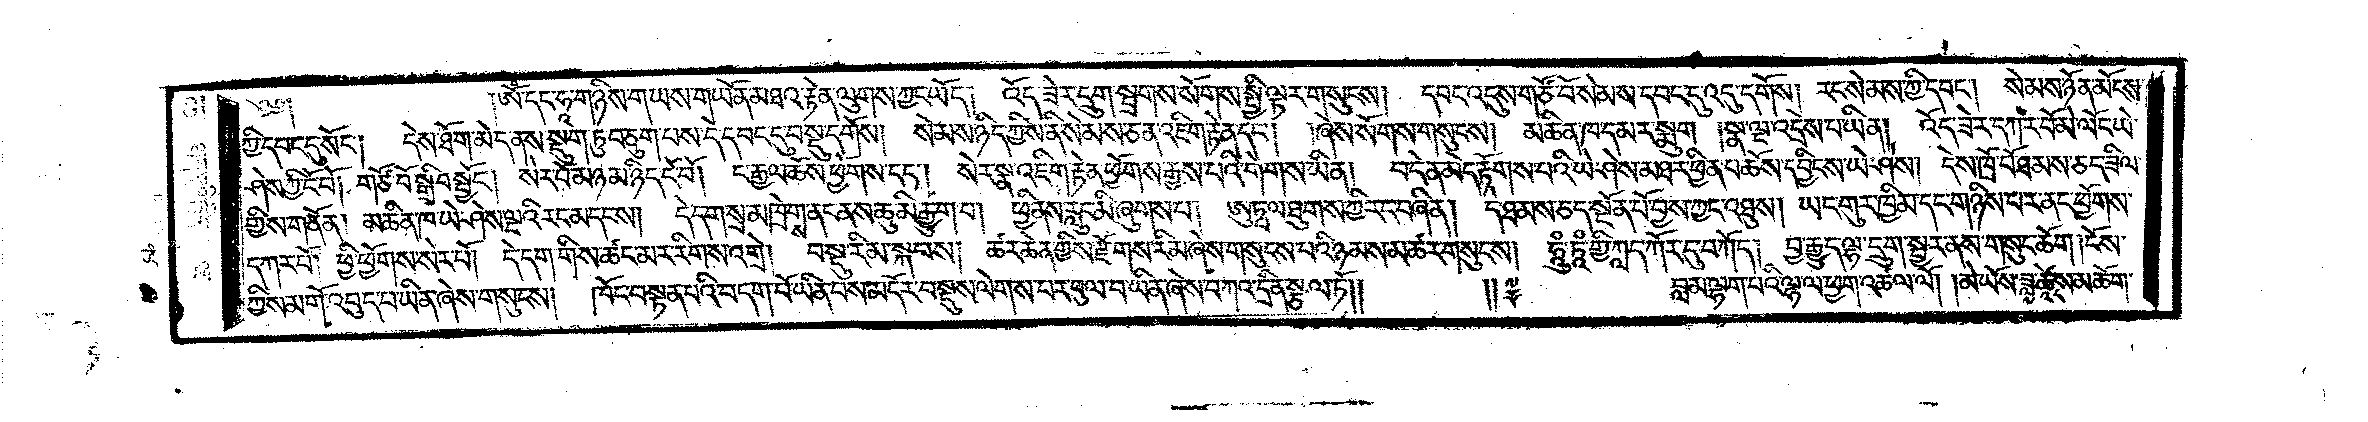༄༅། །ཨོཾ་དང་ཧ་གཉིས་གཡོན་མཐའ་རྟེན་ལུགས་ཀྱང་ཡོད། འོད་ཟེར་དྲུག་སྦྲགས་སོགས་སྤྱི་ལྟར་གསུངས། དབང་འདུས་གཙོ་བོ་སེམས་དབང་དུ་འདུ་དགོས། རང་སེམས་ཀྱི་དབང་། སེམས་ཉོན་
མོངས་ཀྱི་དབང་དུ་སོང་། དེས་ཐོག་མེད་ནས་སྡུག་ཏུ་བཅུག་པས་དེ་དབང་དུ་བསྡུ་དགོས། སེམས་ཉིད་ཀྱིས་ནི་སེམས་ཅན་འཇིག་རྟེན་དང་། །ཞེས་སོགས་གསུངས། མཆིན་ཁ་དམར་སྨུག །སྣ་ལྔ་འདྲེས་པ་ཡིན། འོད་ཟེར་དཀར་པོ་མེ་
ལོང་ཡེ་ཤེས་ཀྱི་ངོ་བོ། གཙོ་བོ་སྒྲིབ་སྦྱོང་། སེར་པོ་མཉམ་ཉིད་ངོ་བོ། ང་རྒྱལ་ཆོས་ཕྱོགས་དང་། སེར་སྣ་འཇིག་རྟེན་ཕྱོགས་རྒྱས་པའི་གེགས་ཡིན། བདེན་མེད་རྟོགས་པའི་ཡེ་ཤེས་མཐར་ཕྱིན་པ་ཆོས་དབྱིངས་ཡེ་ཤེས། དེས་ཁྲོ་བོ་ཐམས་ཅན་ཟིལ་གྱིས་
གནོན། མཆིན་ཁ་ཡེ་ཤེས་ལྔའི་རང་མདངས། དེ་དག་སྲ་མཁྲེག་ནང་ནས་ཆུ་མི་རྒྱུག་པ། ཕྱི་ནས་རླུང་མི་ཞུགས་པ། ཨུཏྤ་ལ་ཐུགས་ཀྱི་རང་བཞིན། དེ་ཐམས་སྔོན་པོ་བྱས་ཀྱང་མཐུས། ཡང་གུང་ཁྱིམ་དང་གཉིས་པ་ནང་ཕྱོགས་དཀར་པོ།
ཕྱི་ཕྱོགས་སེ་པོ། དེ་དག་གིས་ཚང་མར་རིགས་འགྲེ། བསྡུ་རིམ་སྐབས། ཚར་ཆེན་གྱིས་རྫོགས་རིམ་ཞེས་གསུངས་པའི་ཉམས་མཚར་གསུངས། ཧཱུཾ་ཏཱཾ་གྱི་ཀླད་ཀོར་དུ་བཀོད། བྱ་རྒྱད་ལྷ་དྲུག་སྦྱར་ནས་གསུངས་ཆོག །ཇོས་ཀྱིས་མགོ་
འབུད་བ་ཡིན་ཞེས་གསུངས། ཁོང་བསྟན་པའི་བདག་པོ་ཡིན་པས་མདོར་བསྡུས་ལེགས་པར་ཕུལ་བ་ཡིན་ཞེས་བཀའ་དྲིན་སྩལ་ཏོ།། །།༈ བླ་མ་ལྷག་པའི་ལྷ་ལ་ཕྱག་འཚལ་ལོ། །མེ་ཡོས་ཟླ་ཚས་མཆོག་ཏུ་དགེ་པའི་ཉིན།